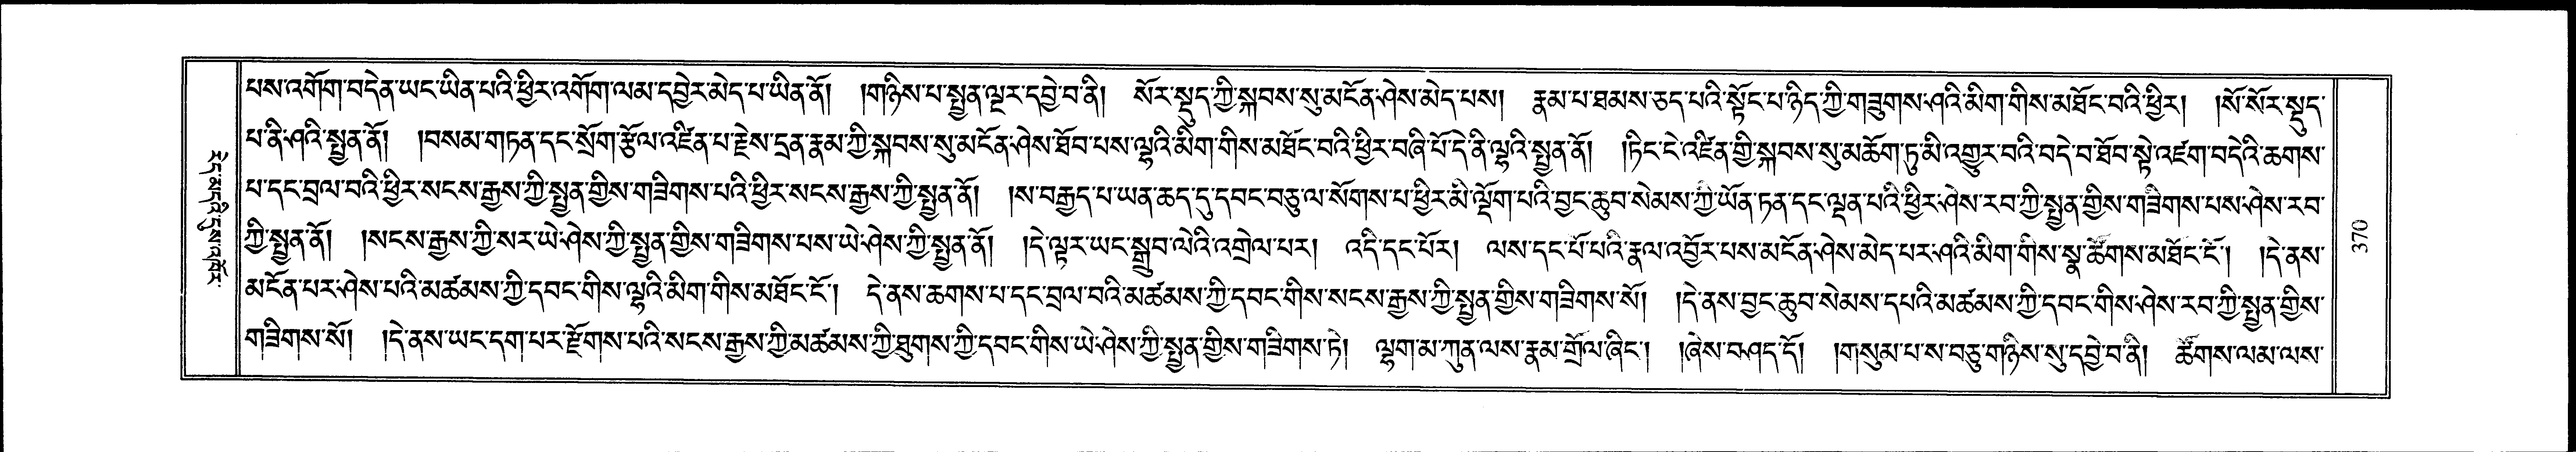པས་འགོག་བདེན་ཡང་ཡིན་པའི་ཕྱིར་འགོག་ལམ་དབྱེར་མེད་པ་ཡིན་ནོ། །གཉིས་པ་སྤྱན་ལྔར་དབྱེ་བ་ནི། སོར་སྡུད་ཀྱི་སྐབས་སུ་མངོན་ཤེས་མེད་པས། རྣམ་པ་ཐམས་ཅད་པའི་སྟོང་པ་ཉིད་ཀྱི་གཟུགས་ཤའི་མིག་གིས་མཐོང་བའི་ཕྱིར། །སོ་སོར་སྡུད་
པ་ནི་ཤའི་སྤྱན་ནོ། །བསམ་གཏན་དང་སྲོག་རྩོལ་འཛིན་པ་རྗེས་དྲན་རྣམ་ཀྱི་སྐབས་སུ་མངོན་ཤེས་ཐོབ་པས་ལྷའི་མིག་གིས་མཐོང་བའི་ཕྱིར་བཞི་པོ་དེ་ནི་ལྷའི་སྤྱན་ནོ། །ཏིང་ངེ་འཛིན་གྱི་སྐབས་སུ་མཆོག་ཏུ་མི་འགྱུར་བའི་བདེ་བ་ཐོབ་སྟེ་འཛག་བདེའི་ཆགས་
པ་དང་བྲལ་བའི་ཕྱིར་སངས་རྒྱས་ཀྱི་སྤྱན་གྱིས་གཟིགས་པའི་ཕྱིར་སངས་རྒྱས་ཀྱི་སྤྱན་ནོ། །ས་བརྒྱད་པ་ཡན་ཆད་དུ་དབང་བཅུ་ལ་སོགས་པ་ཕྱིར་མི་ལྡོག་པའི་བྱང་ཆུབ་སེམས་ཀྱི་ཡོན་ཏན་དང་ལྡན་པའི་ཕྱིར་ཤེས་རབ་ཀྱི་སྤྱན་གྱིས་གཟིགས་པས་ཤེས་རབ་
ཀྱི་སྤྱན་ནོ། །སངས་རྒྱས་ཀྱི་སར་ཡེ་ཤེས་ཀྱི་སྤྱན་གྱིས་གཟིགས་པས་ཡེ་ཤེས་ཀྱི་སྤྱན་ནོ། །དེ་ལྟར་ཡང་སྒྲུབ་ལེའི་འགྲེལ་པར། འདི་དང་པོར། ལས་དང་པོ་པའི་རྣལ་འབྱོར་པས་མངོན་ཤེས་མེད་པར་ཤའི་མིག་གིས་སྣ་ཚོགས་མཐོང་ངོ། །དེ་ནས་
མངོན་པར་ཤེས་པའི་མཚམས་ཀྱི་དབང་གིས་ལྷའི་མིག་གིས་མཐོང་ངོ། །དེ་ནས་ཆགས་པ་དང་བྲལ་བའི་མཚམས་ཀྱི་དབང་གིས་སངས་རྒྱས་ཀྱི་སྤྱན་གྱིས་གཟིགས་སོ། །དེ་ནས་བྱང་ཆུབ་སེམས་དཔའི་མཚམས་ཀྱི་དབང་གིས་ཤེས་རབ་ཀྱི་སྤྱན་གྱིས་
གཟིགས་སོ། །དེ་ནས་ཡང་དག་པར་རྫོགས་པའི་སངས་རྒྱས་ཀྱི་མཚམས་ཀྱི་ཐུགས་ཀྱི་དབང་གིས་ཡེ་ཤེས་ཀྱི་སྤྱན་གྱིས་གཟིགས་ཏེ། ལྷག་མ་ཀུན་ལས་རྣམ་གྲོལ་ཞིང་། །ཞེས་བཤད་དོ། །གསུམ་པ་ས་བཅུ་གཉིས་སུ་དབྱེ་བ་ནི། ཚོགས་ལམ་ལས་